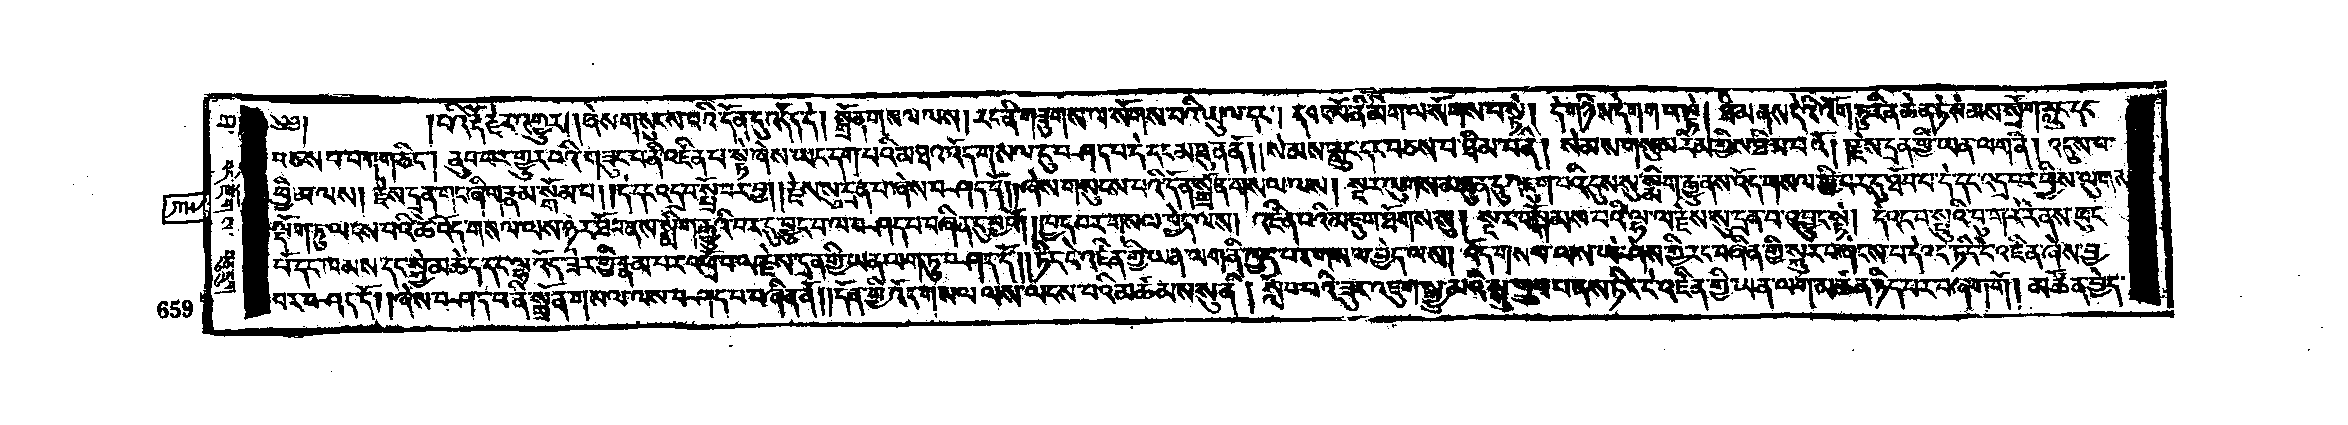༄༅། །བའི་རྡོ་རྗེར་འགྱུར། །ཞེས་གསུངས་པའི་དོན་དུ་འདོད་དེ། སྒྲོན་གསལ་ལས། རང་ནི་གཟུགས་ལ་སོགས་པའི་ཡུལ་དང་། དབང་པོ་ནི་མིག་ལ་སོགས་པ་སྟེ། དེ་གཉིས་དགག་པ་སྟེ། ཐིམ་ནས་དེའི་འོག་ཏུ་རིན་ཆེན་ཏེ་སེམས་སྲོག་རླུང་དང་
བཅས་པ་བཀག་ཅིང་། ནུབ་པར་གྱུར་པའི་གཟུང་བ་ནི་འཛིན་པ་སྟེ་ཞེས་ཡང་དག་པའི་མཐའ་འོད་གསལ་དུ་བཤད་པ་དེ་དང་མཐུན་ནོ། །སེམས་རླུང་དང་བཅས་པ་ཐིམ་པ་ནི། སེམས་གསུམ་རིམ་གྱིས་ཐིམ་པའོ། །རྗེས་དྲན་གྱི་ཡན་ལག་ནི། འདུས་པ་
ཕྱི་མ་ལས། རྗེས་དྲན་གང་ཞིག་རྣམ་སྒོམ་པ། །དེ་དང་འདྲ་བ་སྤྲོ་བར་བྱ། །རྗེས་སུ་དྲན་པ་ཞེས་བཤད་དོ། །ཞེས་གསུངས་པའི་དོན་སྒྲོན་གསལ་ལས། སྔར་ལུགས་མཐུན་དུ་འཇུག་པའི་དུས་སུ་སྨིག་རྒྱུ་ནས་འོད་གསལ་གྱི་པར་དུ་ཐོབ་པ་དེ་དང་འདྲ་བར་ཕྱིས་ལུགས་
ལྡོག་ཏུ་ལངས་པའི་ཆེ་འོད་གསལ་ལས་ཉེར་ཐོབ་ནས་སྨིག་རྒྱུའི་བར་དུ་བྱུང་བ་ལ་བཤད་པ་བཞིན་དུ་བྱའོ། །ཁྱད་པར་གསལ་བྱེད་ལས། འཛིན་པའི་མཇུག་ཐོགས་སུ། སྔར་བསྒོམས་པའི་ལྷ་ལ་རྗེས་སུ་དྲན་པ་འབྱུང་སྟེ། དེའང་བ་སྤུའི་བུ་ག་རེ་རེ་ནས་ཕུང་
པོ་དང་ཁམས་དང་སྐྱེ་མཆེད་དང་ལྷ་འོད་ཟེར་གྱི་རྣམ་པར་འཕྲོ་བ་ལ་རྗེས་དྲན་གྱི་ཡན་ལག་ཏུ་བཤད་དོ། །ཏིང་ངེ་འཛིན་གྱི་ཡན་ལག་ནི་ཁྱད་པར་གསལ་བྱེད་ལས། འོད་གསལ་ལས་ཡེ་ཤེས་ཀྱི་རང་བཞིན་གྱི་སྐུར་བཞེངས་པ་དེའང་ཏིང་ངེ་འཛིན་ཞེས་བྱ་
བར་བཤད་དོ། །ཞེས་བཤད་པ་ནི་སྒྲོན་གསལ་ལས་བཤད་པ་བཞིན་ནོ། །དོན་གྱི་འོད་གསལ་ལས་ལངས་པའི་མཚམས་སུ་ནི། སློབ་པའི་ཟུང་འཇུག་སྒྱུ་མའི་སྐུ་གྲུབ་པ་ནས་ཏིང་ངེ་འཛིན་གྱི་ཡན་ལག་མཚན་ཉིད་པར་བཞག་གོ །མཚོན་བྱེད་